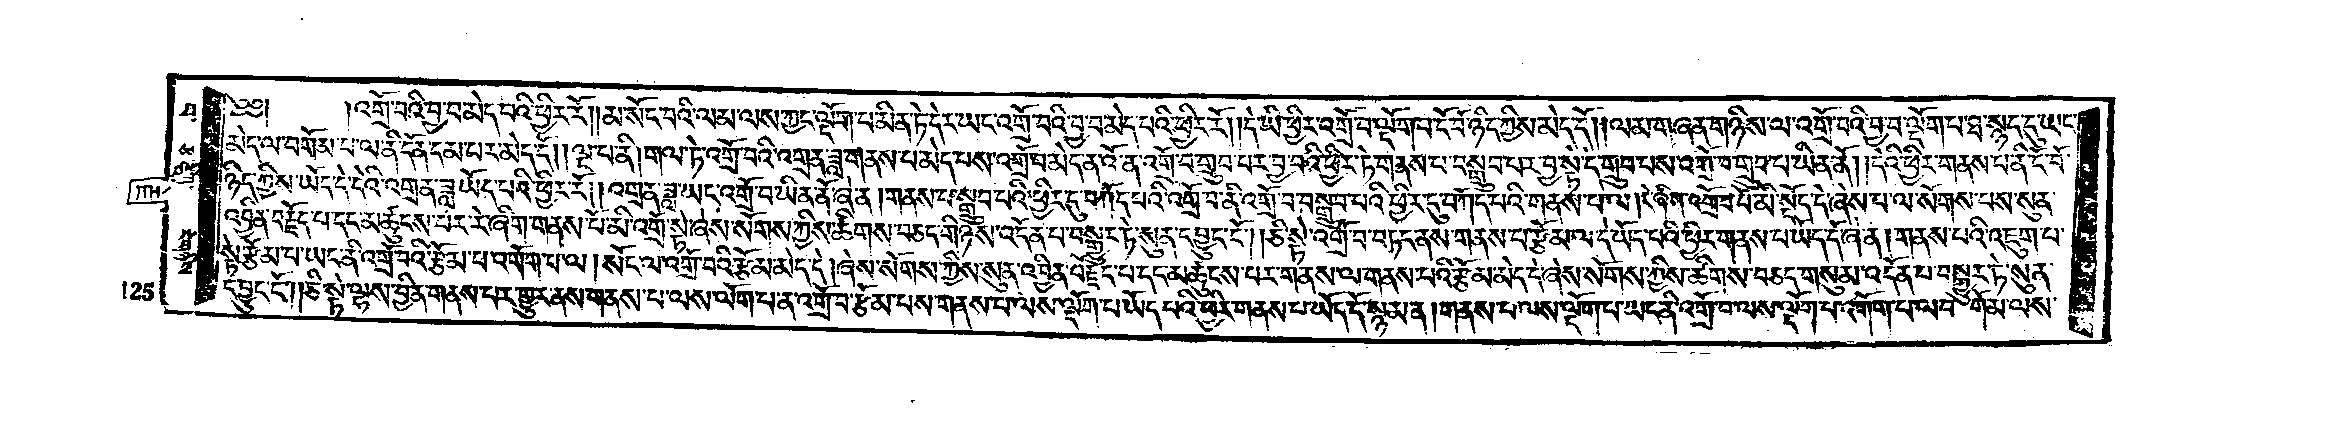༄༅། །འགྲོ་བའི་བྱ་བ་མེད་པའི་ཕྱིར་རོ། །མ་སོང་བའི་ལམ་ལས་ཀྱང་ལྡོག་པ་མིན་ཏེ་དེར་ཡང་འགྲོ་བའི་བྱ་བ་མེད་པའི་ཕྱིར་རོ། །དེ་ཡི་ཕྱིར་འགྲོ་བ་ལྡོག་པ་ངོ་བོ་ཉིད་ཀྱིས་མེད་དོ། །ལམ་གཞན་གཉིས་ལ་འགྲོ་བའི་བྱ་བ་ལྡོག་པ་ཐ་སྙད་དུ་ཡང་
མེད་ལ་འབྒོམ་པ་ལ་ནི་དོན་དམ་པར་མེད་དོ། །ལྔ་པ་ནི། གལ་ཏེ་འགྲོ་བའི་འགྲན་ཟླ་གནས་པ་མེད་པས་འགྲོ་བ་མེད་ན་འགྲོ་བ་གྲུབ་པར་བྱ་བའི་ཕྱིར་ཏེ་གནས་པ་བསྒྲུབ་པར་བྱ་སྟེ་དེ་གྲུབ་པས་འགྲོ་བ་གྲུབ་པ་ཡིན་ནོ། །དེའི་ཕྱིར་གནས་པ་ནི་ངོ་བོ་
ཉིད་ཀྱིས་ཡོད་དེ་དེའི་འགྲན་ཟླ་ཡོད་པའི་ཕྱིར་རོ། །འགྲན་ཟླ་ཡང་འགྲོ་བ་ཡིན་ནོ་ཞེ་ན། གནས་པ་སྒྲུབ་པའི་ཕྱིར་དུ་བཀོད་པའི་འགྲོ་བ་ནི་འགྲོ་བ་བསྒྲུབ་པའི་ཕྱིར་དུ་བཀོད་པའི་གནས་པ་ལ། རེ་ཞིག་འགྲོ་བ་པོ་མི་སྡོད་དེ་ཞེས་པ་ལ་སོགས་པས་སུན་
འབྱིན་བརྗོད་པ་དང་མཚུངས་པར་རེ་ཞིག་གནས་པོ་མི་འགྲོ་སྟེ་ཞེས་སོགས་ཀྱིས་ཚིགས་བཅད་གཉིས་འདོན་པ་བསྒྱུར་ཏེ་སུན་དབྱུང་ངོ། །ཅི་སྟེ་འགྲོ་བ་བཏང་ནས་གནས་པ་རྩོམ་ལ་དེ་ཡོད་པའི་ཕྱིར་གནས་པ་ཡོད་དོ་ཞེ་ན། གནས་པའི་འཇུག་པ་
སྟེ་རྩོམ་པ་ཡང་ནི་འགྲོ་བའི་རྩོམ་པ་འགོག་པ་ལ། སོང་ལ་འགྲོ་བའི་རྩོམ་མེད་དེ། ཞེས་སོགས་ཀྱིས་སུན་འབྱིན་བརྗོད་པ་དང་མཚུངས་པར་གནས་ལ་གནས་པའི་རྩོམ་མེད་དེ་ཞེས་སོགས་ཀྱིས་ཚིགས་བཅད་གསུམ་འདོན་པ་བསྒྱུར་ཏེ་སུན་
དབྱུང་ངོ། །ཅི་སྟེ་ལྷས་བྱིན་གནས་པར་གྱུར་ནས་གནས་པ་ལས་ལོག་པ་ན་འགྲོ་བ་རྩོམ་པས་གནས་པ་ལས་ལྡོག་པ་ཡོད་པའི་ཕྱིར་གནས་པ་ཡོད་དོ་སྙམ་ན།གནས་པ་ལས་ལྡོག་པ་ཡང་ནི་འགྲོ་བ་ལས་ལྡོག་པ་འགོག་པ་ལ་བགོམ་ལས་